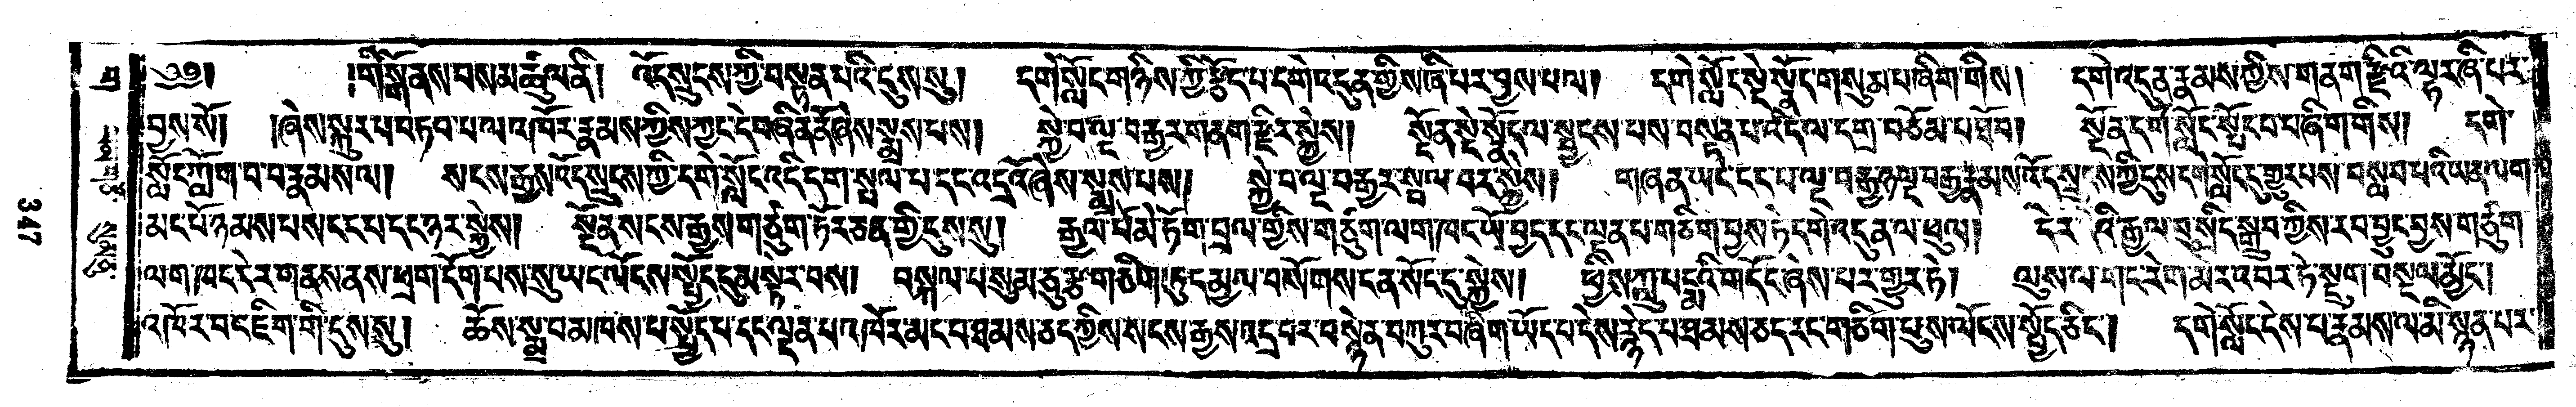༄༅། །གི་སྒོ་ནས་བསམ་ཚུལ་ནི། འོད་སྲུངས་ཀྱི་བསྟན་པའི་དུས་སུ། དགེ་སློང་གཉིས་ཀྱི་རྩོད་པ་དགེ་འདུན་གྱིས་ཞི་པར་བྱས་པ་ལ། དགེ་སློང་སྡེ་སྣོད་གསུམ་པ་ཞིག་གིས། དགེ་འདུན་རྣམས་ཀྱིས་གནག་རྫིའི་ལྟར་ཞི་པར་
བྱས་སོ། །ཞེས་སྐུར་པ་བཏབ་པ་ལ་འཁོར་རྣམས་ཀྱིས་ཀྱང་དེ་བཞིན་ནོ་ཞེས་སྨྲས་པས། སྐྱེ་བ་ལྔ་བརྒྱར་གནག་རྫིར་སྐྱེས། སྔོན་སྡེ་སྣོད་ལ་སྦྱངས་པས་བསྟན་པ་འདི་ལ་དགྲ་བཅོམ་པ་ཐོབ། སྔོན་དགེ་སློང་སྤོང་བ་པ་ཞིག་གིས། དགེ་
སློང་ཀློག་བ་བ་རྣམས་ལ། སངས་རྒྱས་འོད་སྲུངས་ཀྱི་དགེ་སློང་འདི་དག་སྤལ་པ་དང་འདྲའོ་ཞེས་སྨྲས་པས། སྐྱེ་བ་ལྔ་བརྒྱར་སྦལ་བར་སྐྱེས། གཞན་ཡང་ངང་པ་ལྔ་བརྒྱ་ཉ་ལྔ་བརྒྱ་རྣམས་འོད་སྲུངས་ཀྱི་དུས་དགེ་སློང་དུ་གྱུར་པས་བསླབ་པའི་ཡན་ལག་
མང་པོ་ཉམས་པས་ངང་པ་དང་ཉར་སྐྱེས། སྔོན་སངས་རྒྱས་གཙུག་ཏོར་ཅན་གྱི་དུས་སུ། རྒྱལ་པོ་མེ་ཏོག་བྲལ་གྱིས་གཙུག་ལག་ཁང་ཡོ་བྱད་དང་ལྡན་པ་གཅིག་བྱས་ཏེ་དགེ་འདུན་ལ་ཕུལ། དེར་དེའི་རྒྱལ་བུ་སྲིད་སྒྲུབ་ཀྱིས་རབ་བྱུང་བྱས་གཙུག་
ལག་ཁང་དེར་གནས་ནས་ཕྲག་དོག་པས་སུ་ཡང་ལོངས་སྤྱོད་དུམ་སྟེར་བས། བསྐལ་པ་སུམ་ཅུ་རྩ་གཅིག་ཏུ་དམྱལ་བ་སོགས་ངན་སོང་དུ་སྐྱེས། ཕྱིས་ཀླུ་པདམའི་གདོང་ཞེས་པར་གྱུར་ཏེ། ལུས་ལ་གང་རེག་མེར་འབར་ཏེ་སྡུག་བསྔལ་མྱོང་།
འཁོར་བ་འཇིག་གི་དུས་སུ། ཆོས་སྨྲ་བ་མཁས་པ་སྤྱོད་པ་དང་ལྡན་པ་འཁོར་མང་བ་ཐམས་ཅད་ཀྱིས་སངས་རྒྱས་འདྲ་བར་བསྙེན་བཀུར་བ་ཞིག་ཡོད་པ་དེས་རྙེད་པ་ཐམས་ཅད་རང་གཅིག་པུས་ལོངས་སྤྱོད་ཅིང་། དགེ་སློང་དེས་པ་རྣམས་ལ་མི་སྙན་པར་